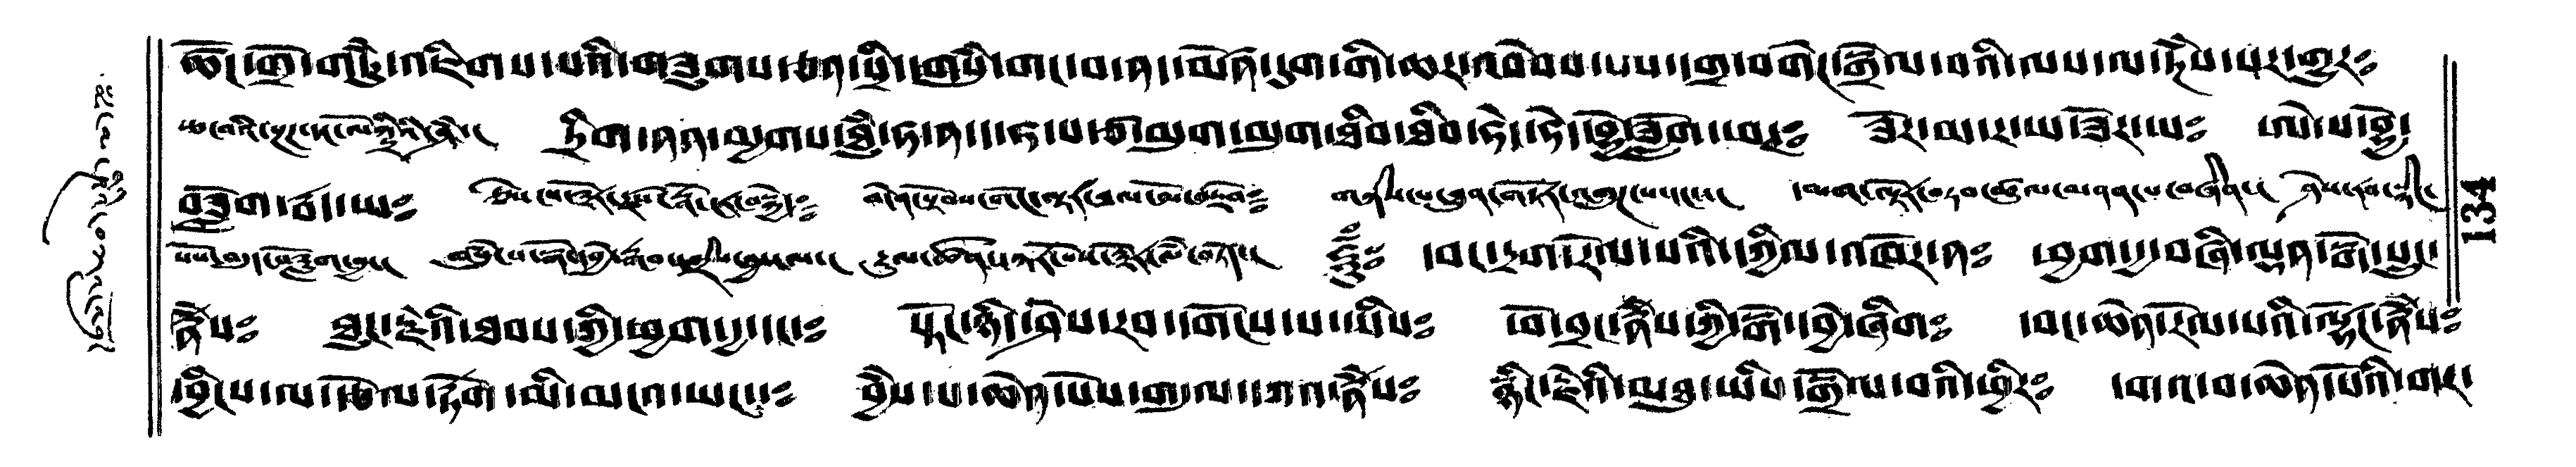ཚོགས་ཁྲོ་གཏུམ་འཇིགས་པའི་གཟུགས་ཅན་སྲིད་གསུམ་གང་བ་ནད་མཚོན་དུག་གི་ཆར་འབེབས་པས་དགྲ་བགེགས་སྒྲོལ་བའི་ལས་ལ་རྔམ་པར་གྱུར༔ 
རྩ་བའི་སྔགས་དང་ལོཀྟྲིའི་གཤམ། ཏྲིག་ནན་མྱགས་ཐུམ་ཧ་ནད་ཧ་པ་ཙ་མུག་མུག་ཐིབ་ཐིབ་ཧེད་ཧེད་བྷྱོ་ཟློག་ཕཊ༔ ཟོར་མ་ར་ཡ་ཟོར་ཡ༔ ཨེ་ས་བྷྱོ་
ཟློག་རྦད་ཡ༔ ཅེས་པ་ཟོར་རྫས་རྣོ་ངར་སྐྱེད། །བདེན་སྟོབས་གོང་ལྟར་ཐལ་མོ་རྡེབ། །གཉིས་པ་ཐུན་གཏོར་འགུགས་པ་དང་། །དམག་ལྟོར་སྟོབ་ཚུལ་མནན་པ་བཞིན། །ཤེས་རབ་སྙིང་
པོས་བདུད་བཟློག་བྱ། །གསུམ་པ་སྒོ་དབྱེ་རྒབ་དཀྲིས་བྱ། །རྡུལ་ཚོན་དཀར་པོས་ཟོར་ལམ་གཏོད། ཧཱུྃ༔ དབང་དྲག་རོལ་པའི་དཀྱིལ་འཁོར་ན༔ ཕྱག་རྒྱ་བཞི་ལྡན་སྒོ་སྲུང་
རྣམས༔ ཐུགས་རྗེའི་ཐབས་ཀྱི་ཕྱག་རྒྱ་དང༔ སྟོང་ཉིད་ཤེས་རབ་དགོངས་པ་ཡིས༔ ཕོ་བྲང་རྣམས་ཀྱི་སྒོ་ཕྱེས་ཤིག༔ དབང་ཆེན་རོལ་པའི་ལྷ་ཚོགས་རྣམས༔ 
དབྱིངས་ལ་རྩོལ་རྟོག་མི་མངའ་ཡང༔ བྱམས་པ་ཆེན་པས་གདུལ་དཀའ་རྣམས༔ སྙིང་རྗེའི་མཐུ་ཡིས་སྒྲོལ་བའི་ཕྱིར༔ དགའ་བ་ཆེན་པོའི་གར་